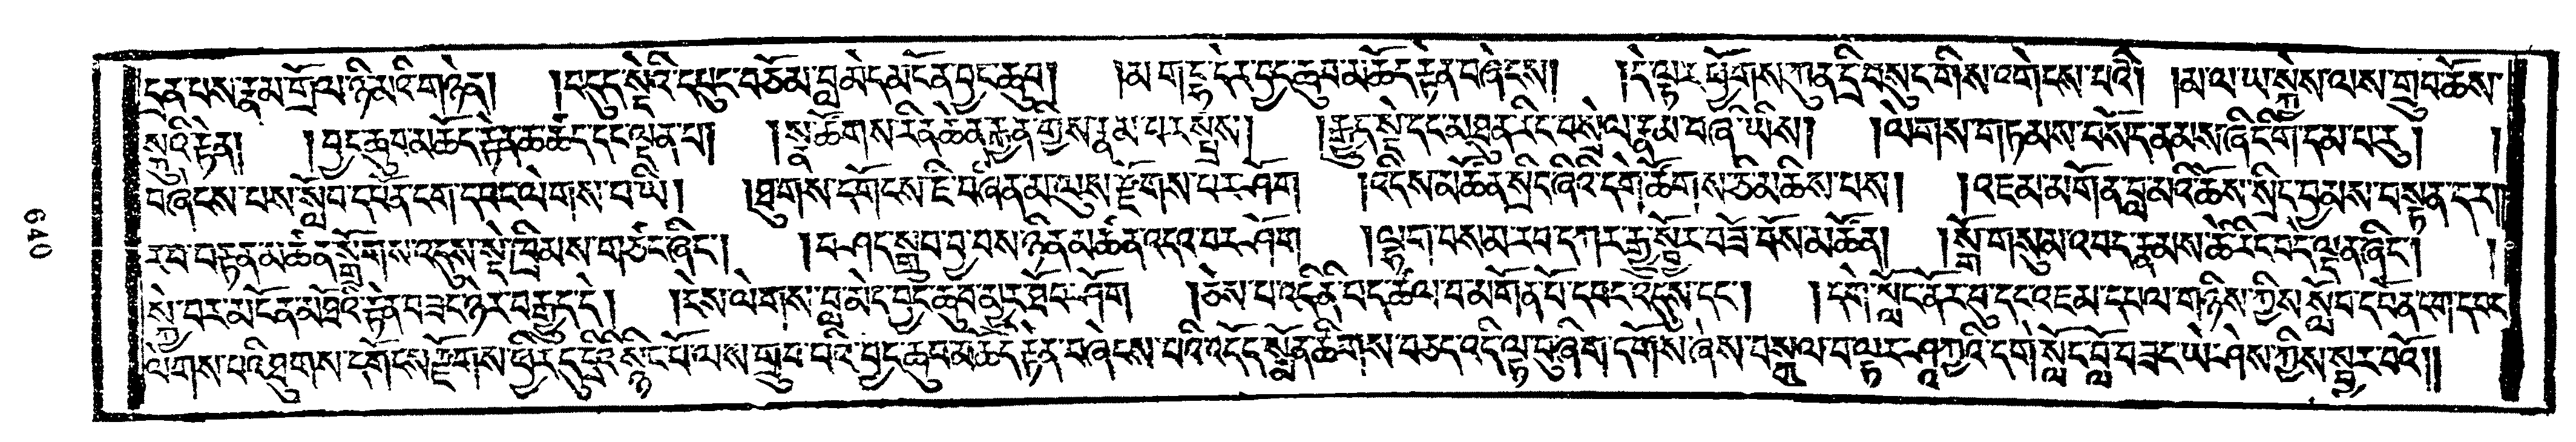དྲན་པས་རྣམ་གྲོལ་ཉི་མའི་གཉེན། །བདུད་སྡེའི་དཔུང་བཅོམ་བླ་མེད་མངོན་བྱང་ཆུབ། །མ་ག་དྷ་དེར་བྱང་ཆུབ་མཆོད་རྟེན་བཞེངས། །དེ་ལྟར་ཕྱོགས་ཀུན་དྲི་བསུང་གིས་འགེངས་པའི། །མ་ལ་ཡ་སྐྱེས་ལས་གྲུབ་ཆོས་
སྐུའི་རྟེན། །བྱང་ཆུབ་མཆོད་རྟེན་ཆ་ཚད་དང་ལྡན་པ། །སྣ་ཚོགས་རིན་ཆེན་རྒྱན་གྱིས་རྣམ་པར་སྤྲས། །རྒྱུད་སྡེ་དང་མཐུན་རིང་བསྲེལ་རྣམ་བཞི་ཡིས། །ལེགས་གཏམས་བསོད་ནམས་ཞིང་གི་དམ་པ་རུ། །
བཞེངས་པས་སློབ་དཔོན་ངག་དབང་ལེགས་པ་ཡི། །ཐུགས་དགོངས་ཇི་བཞིན་མ་ལུས་རྫོགས་པར་ཤོག །འདིས་མཚོན་སྲིད་ཞིའི་དགེ་ཚོགས་ཅི་མཆིས་པས། །འཇམ་མགོན་བླ་མའི་ཆོས་སྲིང་བྱམས་བསྟན་དར།།
རབ་བརྟན་མཚན་སྒྲོགས་འདུས་སྡེ་ཁྲིམས་གཙང་ཞིང་། །བཤད་སྒྲུབ་བྱ་བས་ཉིན་མཚན་འདའ་བར་ཤོག །ལྷག་བསམ་རབ་དཀར་རྒྱུ་སྦྱོར་བཟོ་བོས་མཚོན། །སྒོ་གསུམ་འབད་རྣམས་ཚེ་རིང་བདེ་ལྡན་ཞིང་། །
སྐྱེ་བར་མངོན་མཐོའི་རྟེན་བཟང་ཉེར་བརྒྱུད་དེ། །ངེས་ལེགས་བླ་མེད་བྱང་ཆུབ་མྱུར་ཐོབ་ཤོག །ཅེས་པ་འདི་ནི་པད་ཚལ་བ་མགོན་པོ་དབང་འདུས་དང་། །དགེ་སློང་ནོར་བུ་དང་འཇམ་དཔལ་གཉིས་ཀྱིས་སློབ་དཔོན་ངག་དབང་
ལེགས་པའི་ཐུགས་དགོངས་རྫོགས་ཕྱིར་དུ་དྲིའི་སྙིང་པོ་ལས་གྲུབ་པའི་བྱང་ཆུབ་མཆོད་རྟེན་བཞེངས་པའི་འདོད་སྨོན་ཚིགས་བཅད་འདི་ལྟ་བུ་ཞིག་དགོས་ཞེས་བསྐུལ་བ་ལྟར་ཤཱཀྱའི་དགེ་སློང་བློ་བཟང་ཡེ་ཤེས་ཀྱིས་སྦྱར་བའོ།།